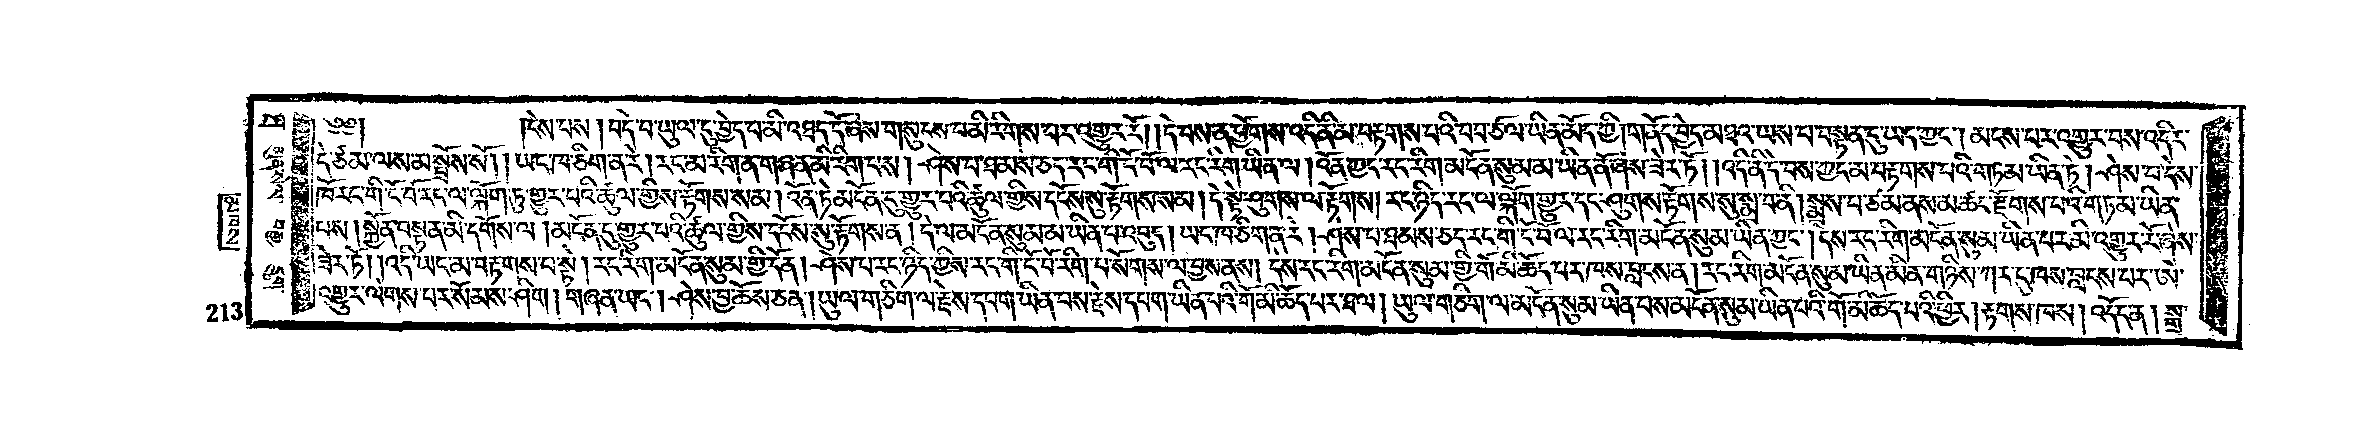༄༅། །ངེས་པས། བདེ་བ་ཡུལ་དུ་བྱེད་པ་མི་འཐད་དོ་ཞེས་གསུངས་པ་མི་རིགས་པར་འགྱུར་རོ། །དེ་བས་ན་ཕྱོགས་འདི་ནི་མ་བརྟགས་པའི་བབ་ཙལ་ཡིན་མོད་ཀྱི། གནོད་བྱེད་མཐའ་ཡས་པ་བསྟན་དུ་ཡོད་ཀྱང་། མངེས་པར་འགྱུར་བས་འདིར་
དེ་ཙམ་ལས་མ་སྤྲོས་སོ། །ཡང་ཁ་ཅིག་ན་རེ། རང་མ་རིག་ན་གཞན་མི་རིག་པས། ཤེས་པ་ཐམས་ཅད་རང་གི་ངོ་བོ་ལ་རང་རིག་ཡིན་ལ། འོན་ཀྱང་རང་རིག་མངོན་སུམ་མ་ཡིན་ནོ་ཞེས་ཟེར་ཏོ། །འདི་ནི་དེ་བས་ཀྱང་མ་བརྟགས་པའི་གཏམ་ཡིན་ཏེ། ཤེས་པ་དེས་
ཁོ་རང་གི་ངོ་བོ་རང་ལ་ལྐོག་ཏུ་གྱུར་པའི་ཚུལ་གྱིས་རྟོགས་སམ། འོན་ཏེ་མངོན་དུ་གྱུར་པའི་ཚུལ་གྱིས་དངོས་སུ་རྟོགས་སམ། དེ་སྟེ་ཤུགས་ལ་རྟོགས། རང་ཉིད་རང་ལ་ལྐོག་གྱུར་དང་ཤུགས་རྟོགས་སུ་སྨྲ་བ་ནི། སྨྲས་པ་ཙམ་ནས་མ་ཚང་རྫོགས་པའི་གཏམ་ཡིན་
པས༑ སྐྱོན་བསྟན་མི་དགོས་ལ། མངོན་དུ་གྱུར་པའི་ཚུལ་གྱིས་དངོས་སུ་རྟོགས་ན། དེ་ལ་མངོན་སུམ་མ་ཡིན་པ་འབུད། ཡང་ཁ་ཅིག་ན་རེ། ཤེས་པ་ཐམས་ཅད་རང་གི་ངོ་བོ་ལ་རང་རིག་མངོན་སུམ་ཡིན་ཀྱང་། དེས་རང་རིག་མངོན་སུམ་ཡིན་པར་མི་འགྱུར་རོ་ཞེས་
ཟེར་ཏོ། །འདི་ཡང་མ་བརྟགས་པ་སྟེ། རང་རིག་མངོན་སུམ་གྱི་དོན། ཤེས་པ་རང་ཉིད་ཀྱིས་རང་གི་ངོ་བོ་རིག་པ་སོགས་ལ་བྱས་ནས། དེས་རང་རིག་མངོན་སུམ་གྱི་གོ་མི་ཆོད་པར་ཁས་བླངས་ན། རང་རིག་མངོན་སུམ་ཡིན་མིན་གཉིས་ཀར་དུ་ཁས་བླངས་པར་ཨེ་
འགྱུར་ལེགས་པར་སྨོས་ཤིག །གཞན་ཡང་། ཤེས་བྱ་ཆོས་ཅན། ཡུལ་གཅིག་ལ་རྗེས་དཔག་ཡིན་པས་རྗེས་དཔག་ཡིན་པའི་གོ་མི་ཆོད་པར་ཐལ། ཡུལ་གཅིག་ལ་མངོན་སུམ་ཡིན་པས་མངོན་སུམ་ཡིན་པའི་གོ་མི་ཆོད་པའི་ཕྱིར། རྟགས་ཁས། འདོད་ན། སྒྲ་